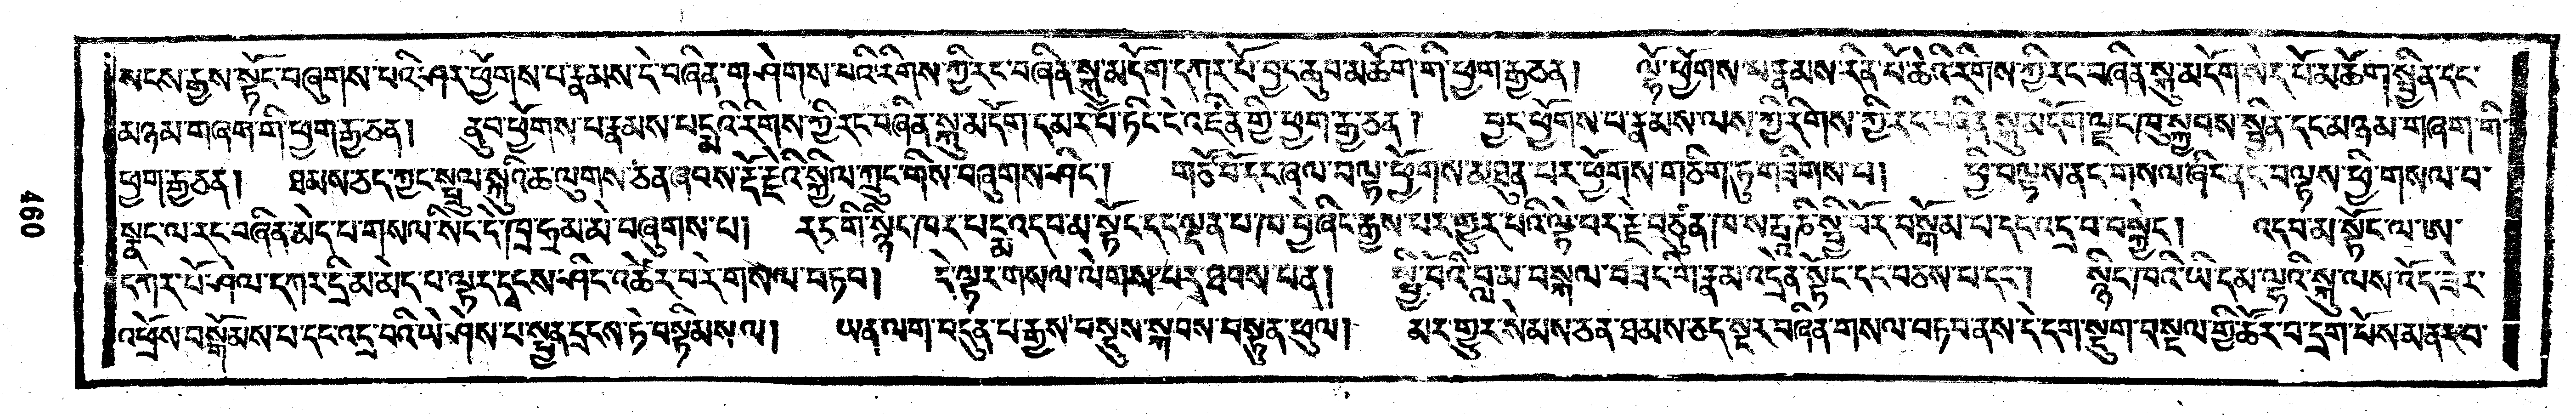སངས་རྒྱས་སྟོང་བཞུགས་པའི་ཤར་ཕྱོགས་པ་རྣམས་དེ་བཞིན་གཤེགས་པའི་རིགས་ཀྱི་རང་བཞིན་སྐུ་མདོག་དཀར་པོ་བྱང་ཆུབ་མཆོག་གི་ཕྱག་རྒྱ་ཅན། ལྷོ་ཕྱོགས་པ་རྣམས་རིན་པོ་ཆེའི་རིགས་ཀྱི་རང་བཞིན་སྐུ་མདོག་སེར་པོ་མཆོག་སྦྱིན་དང་
མཉམ་གཞག་གི་ཕྱག་རྒྱ་ཅན། ནུབ་ཕྱོགས་པ་རྣམས་པདམའི་རིགས་ཀྱི་རང་བཞིན་སྐུ་མདོག་དམར་པོ་ཏིང་ངེ་འཛིན་གྱི་ཕྱག་རྒྱ་ཅན། བྱང་ཕྱོགས་པ་རྣམས་ལས་ཀྱི་རིགས་ཀྱི་རང་བཞིན་སྐུ་མདོག་ལྗང་ཁུ་སྐྱབས་སྦྱིན་དང་མཉམ་གཞག་གི་
ཕྱག་རྒྱ་ཅན། ཐམས་ཅད་ཀྱང་སྤྲུལ་སྐུའི་ཆ་ལུགས་ཅན་ཞབས་རྡོ་རྗེའི་སྐྱིལ་ཀྲུང་གིས་བཞུགས་ཤིང་། གཙོ་བོ་དང་ཞལ་བལྟ་ཕྱོགས་མཐུན་པར་ཕྱོགས་གཅིག་ཏུ་གཟིགས་པ། ཕྱི་བལྟས་ནང་གསལ་ཞིང་ནང་བལྟས་ཕྱི་གསལ་བ་
སྣང་ལ་རང་བཞིན་མེད་པ་གསལ་སིང་དེ་ཁྲ་ཧྲམ་མེ་བཞུགས་པ། རང་གི་སྙིང་ཁར་པདམ་འདབ་མ་སྟོང་དང་ལྡན་པ་ཁ་བྱེ་ཞིང་རྒྱས་པར་གྱུར་པའི་ལྟེ་བར་རྗེ་བཙུན་ཁ་སརྤཱ་ཎི་སྤྱི་བོར་བསྒོམ་པ་དང་འདྲ་བ་བསྐྱེད། འདབ་མ་སྟོང་ལ་ཨ་
དཀར་པོ་ཤེལ་དཀར་དྲི་མ་མེད་པ་ལྟར་དྭངས་ཤིང་འཚེར་བ་རེ་གསལ་བཏབ། དེ་ལྟར་གསལ་ལེགས་པར་ཐབས་པ་ན། སྤྱི་བོའི་བླ་མ་བསྐལ་བཟང་གི་རྣམ་འདྲེན་སྟོང་དང་བཅས་པ་དང་། སྙིང་ཁའི་ཡི་དམ་ལྷའི་སྐུ་ལས་འོད་ཟེར་
འཕྲོས་བསྒོམས་པ་དང་འདྲ་བའི་ཡེ་ཤེས་པ་སྤྱན་དྲངས་ཏེ་སྦྶྟིམས་ལ། ཡན་ལག་བདུན་པ་རྒྱས་བསྡུས་སྐབས་བསྟུན་ཕུལ། མར་གྱུར་སེམས་ཅན་ཐམས་ཅད་སྔར་བཞིན་གསལ་བཏབ་ནས་དེ་དག་སྡུག་བསྔལ་གྱི་ཚོར་བར་དྲག་པོས་མནར་བ་